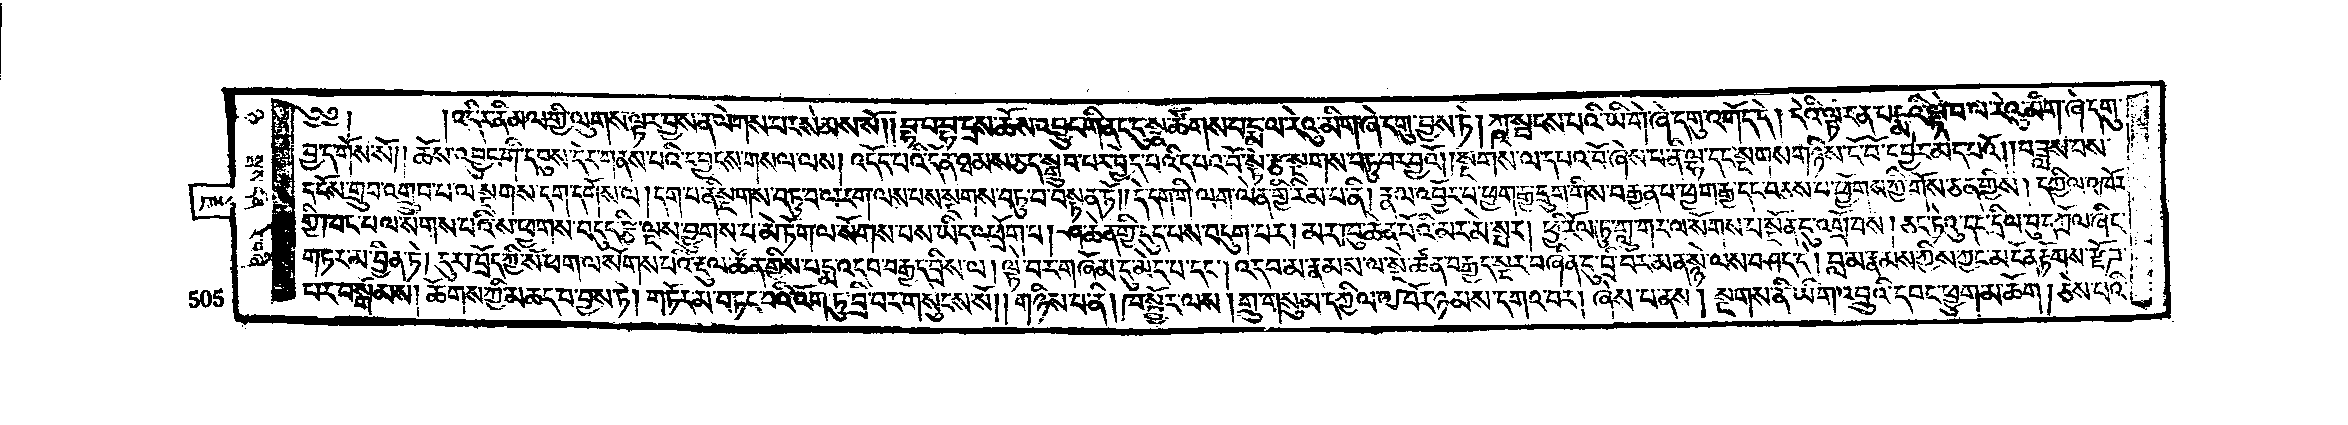༄༅། །འདིར་ནི་མལ་གྱི་ལུགས་ལྟར་བྱས་ན་ལེགས་པར་སེམས་སོ། །བྷ་བ་བྷ་དྲས་ཆོས་འབྱུང་གི་ནང་དུ་སྣ་ཚོགས་པདམ་ལ་རེའུ་མིག་ཞེ་དགུ་བྱས་ཏེ། ཀྵ་སྦངས་པའི་ཡི་གེ་ཞེ་དགུ་འགོད་དེ། དེའི་ལྟར་ན་པདམའི་ལྟེ་བ་ལ་རེའུ་མིག་ཞེ་དགུ་
བྱ་དགོས་སོ། །ཆོས་འབྱུང་གི་དབུས་དར་གནས་པའི་དབྱངས་གསལ་ལས། འདོད་པའི་དོན་ཐམས་ཅད་སྒྲུབ་པར་བྱེད་པའི་དཔའ་བོ་སྟེ་རྩ་སྔགས་བཏུ་བར་བྱའོ། །སྔགས་ལ་དཔའ་བོ་ཞེས་པ་ནི་ལྷ་དང་སྔགས་གཉིས་ངོ་བོ་དབྱེར་མེད་པའོ། །བཟླས་པས་
དངོས་གྲུབ་འགྲུབ་པ་ལ་སྔགས་དག་དགོས་ལ། དག་པ་ནི་སྔགས་བཏུ་བ་ལ་རག་ལས་པས་སྔགས་བཏུ་བ་བསྟན་ཏོ། །དེ་དག་གི་ལག་ལེན་གྱི་རིམ་པ་ནི། རྣལ་འབྱོར་པ་ཕྱག་རྒྱ་དྲུག་གིས་བརྒྱན་པ་ཕྱག་རྒྱ་དང་བཅས་པ་ཕྱོགས་ཀྱི་གོས་ཅན་གྱིས། དཀྱིལ་འཁོར་
གྱི་ཁང་པ་ལ་སོགས་པའི་ས་ཕྱོགས་བདུད་རྩི་ལྔས་བྱུགས་པ་མེ་ཏོག་ལ་སོགས་པས་ཡིད་འཕྲོག་པ། ཤ་ཆེན་གྱི་དུད་པས་བདུག་པར། མར་ཁུ་ཆེན་པོའི་མར་མེ་སྦར། ཕྱི་རོལ་ཏུ་གླུ་གར་ལ་སོགས་པ་སྔོན་དུ་འགྲོ་བས། ཅང་ཏེའུ་དང་དྲིལ་བུ་དཀྲོལ་ཞིང་
གཏོར་མ་བྱིན་ཏེ། དུར་ཁྲོད་ཀྱི་སོ་ཕག་ལ་སོགས་པའི་རྡུལ་ཚོན་གྱིས་པདམ་འདབ་བརྒྱད་བྲིས་ལ། ལྟེ་བར་གཞོམ་དུ་མེད་པ་དང་། འདབ་མ་རྣམས་ལ་སྡེ་ཚན་བརྒྱད་སྔར་བཞིན་དུ་བྲི་བར་མན་སྙེ་ལས་བཤད་དེ། བླ་མ་རྣམས་ཀྱིས་ཀྱང་མངོན་རྟོགས་རྫོགས་
པར་བསྒོམས། ཚོགས་ཀྱི་མཆོད་པ་བྱས་ཏེ། གཏོར་མ་བཏང་བའི་འོག་ཏུ་བྲི་བར་གསུངས་སོ། །གཉིས་པ་ནི། ཁ་སྦྱོར་ལས། གྲུ་གསུམ་དཀྱིལ་འཁོར་ཉམས་དགའ་བར། ཞེས་པ་ནས། སྔགས་ནི་ཡིག་འབྲུའི་དབང་ཕྱུག་མ་ཆོག །ཅེས་པའི་